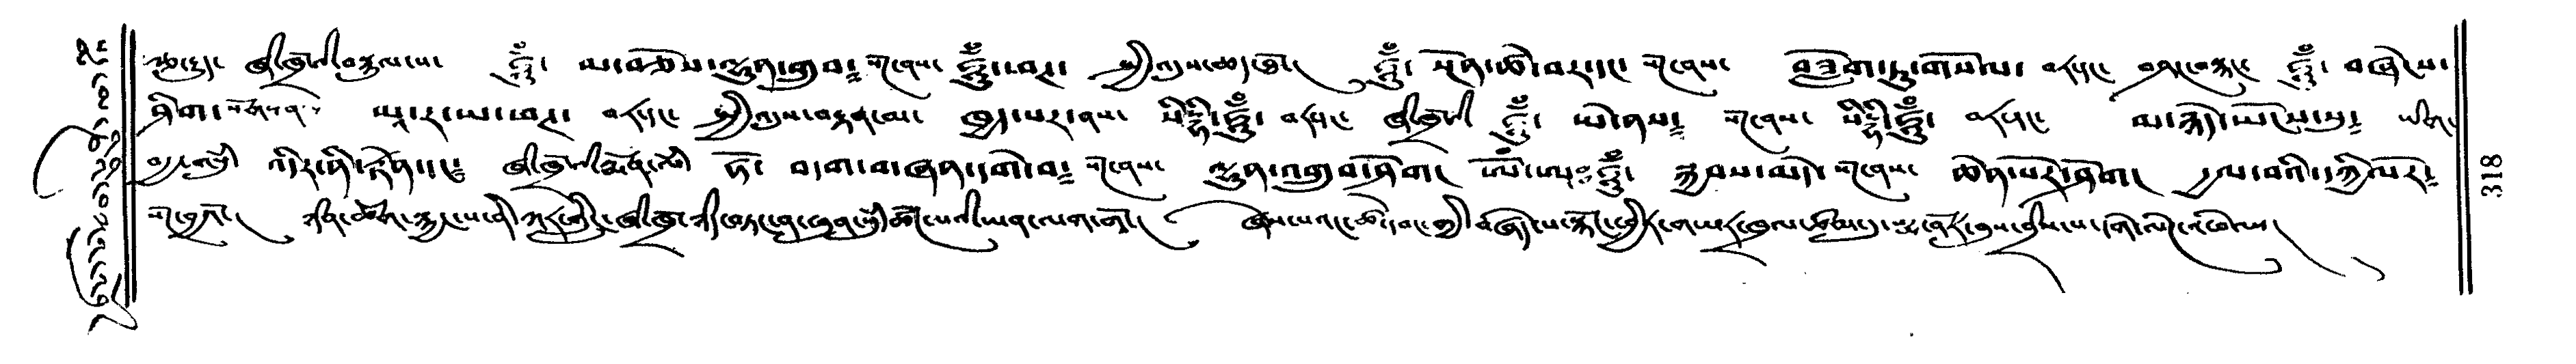རྩ་རྒྱུད། ཞི་ཁྲོའི་སྐུལ་པ། ཧཱུྃ༔ མ་བཅོས་ལྷུན་གྲུབ༴ སོགས་ནས། ཧཱུྃ་ཕཊ༔ སྤྱི་འདུས་ཆད་ཐོ། ཧཱུྃ༔ སྔོན་ཚེ་བར་དང༴ སོགས་ནས། བཟློག་ཏུ་གསོལ༔ བར་དང་། བཤགས་སྐོང་། ཧཱུྃ༔ བཞེངས་
ཤིག༴ སོགས་ནས། མཱ་ར་ཡ་ཕཊ༔ བར་དང་། སྤྱི་འདུས་བརྟན་མ། ཁྱད་པར༴ ནས། སིདྡྷི་ཧཱུྃ༔ བར་དང་། ཞི་ཁྲོའི། ཧཱུྃ༔ ཡེ་ནས༴ སོགས་ནས། སིདྡྷི་ཧཱུྃ༔ བར་དང་། མ་རྙེད་ཡོངས་སུ༴ ཡིག་
བརྒྱ་གསུམ། འདིར་ནི་རྟེན་དང༴ ཞི་ཁྲོའི་སྨོན་ལམ། ཧོ༔ བདག་གཞན་དགེ་བ༴ སོགས་ནས། ལྷུན་འགྲུབ་ཤོག ཨོཾ་ཨཱཿཧཱུྃ༔ སྐྱབས་མེད༴ སོགས་ནས། ཆེན་པོར་ཤོག༔ རྒྱལ་བའི་དཀྱིལ་འཁོར༴ 
སོགས་བྱའོ། །ཉིན་ཆོག་རྐྱང་པ་ནི་ཀར་གླིང་ཞི་ཁྲོ་ཉིད་བཏང་ན་ཕུན་སུམ་ཚོགས་པའི་ཡན་ལག་ཏུ་གོ ཞེས་པའང་ཚེ་དབང་གི་བཞེད་པ་སྐོང་ཕྱིར་གཡར་ཁྲལ་ཙམ་དུ་པདྨ་ནོར་བུས་བྲིས་པ་དགེ་ལེགས་འཕེལ།།